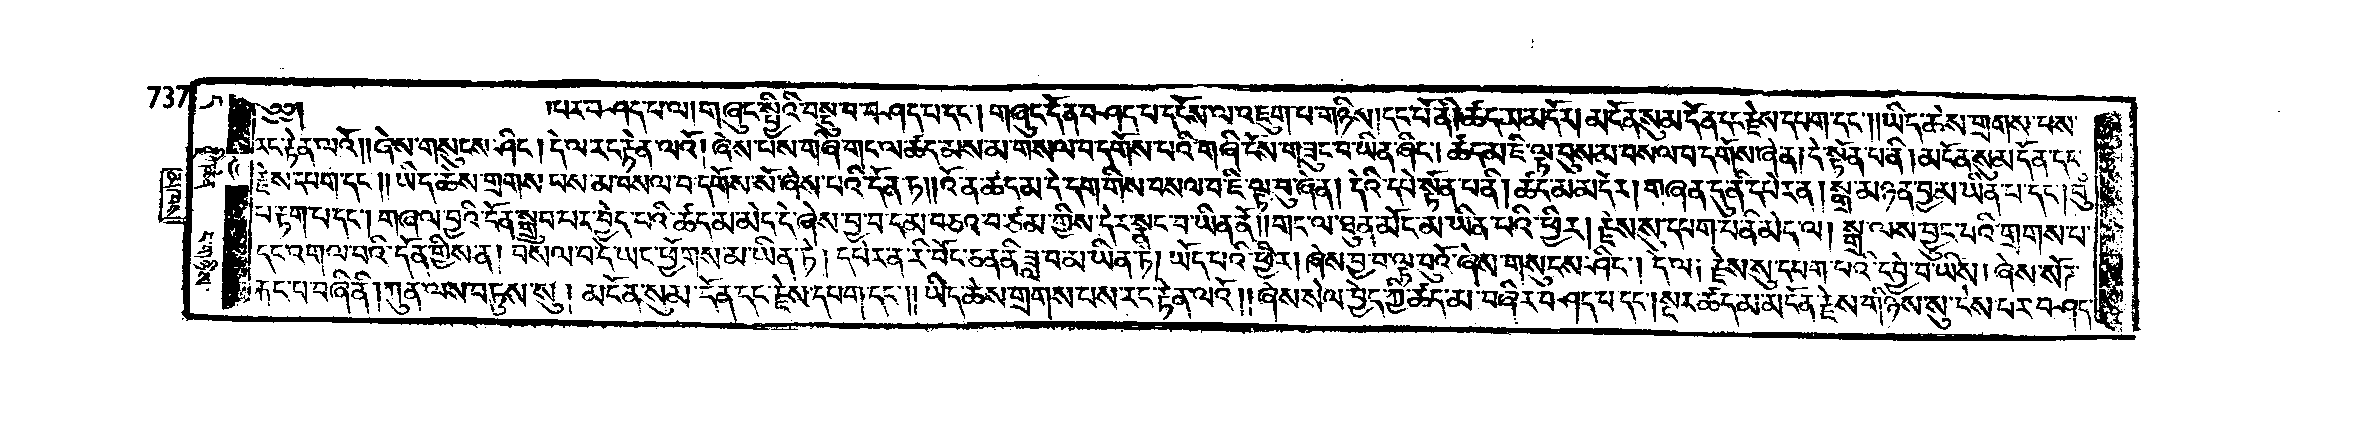༄༅། །པར་བཤད་པ་ལ། གཞུང་སྤྱིའི་བསྡུ་པ་བཤད་པ་དང་། གཞུང་དོན་བཤད་པ་དངོས་ལ་འཇུག་པ་གཉིས། དང་པོ་ནི། ཚད་མ་མདོར། མངོན་སུམ་དོན་དང་རྗེས་དཔག་དང་། །ཡིད་ཆེས་གྲགས་པས་
རང་རྟེན་ལའོ། །ཞེས་གསུངས་ཤིང་། དེ་ལ་རང་རྟེན་ལའོ། །ཞེས་པས་གཞི་གང་ལ་ཚད་མས་མ་གསལ་བ་དགོས་པའི་གཞི་ངོས་གཟུང་བ་ཡིན་ཞིང་། ཚད་མ་ཇི་ལྟ་བུས་མ་བསལ་བ་དགོས་ཞེ་ན། དེ་སྟོན་པ་ནི། མངོན་སུམ་དོན་དང་
རྗེས་དཔག་དང་། །ཡིད་ཆེས་གྲགས་པས་མ་བསལ་བ་དགོས་སོ་ཞེས་པའི་དོན་ཏེ། །འོ་ན་ཚད་མ་དེ་དག་གིས་བསལ་བ་ཇི་ལྟ་བུ་ཞེ་ན། དེའི་དཔེ་སྟོན་པ་ནི། ཚད་མ་མདོར། གཞན་དུ་ནི་དཔེར་ན། སྒྲ་མཉན་བྱ་མ་ཡིན་པ་དང་། བུམ་
པ་རྟག་པ་དང་། གཞལ་བྱའི་དོན་སྒྲུབ་པར་བྱེད་པའི་ཚད་མ་མེད་དེ་ཞེས་བྱ་བ་དམ་བཅའ་བ་ཙམ་གྱིས་དེར་སྣང་བ་ཡིན་ནོ། །གང་ལ་ཐུན་མོང་མ་ཡིན་པའི་ཕྱིར། རྗེས་སུ་དཔག་པ་ནི་མེད་ལ། སྒྲ་ལས་བྱུང་པའི་གྲགས་པ་
དང་འགལ་བའི་དོན་གྱིས་ན། བསལ་བ་དེ་ཡང་ཕྱོགས་མ་ཡིན་ཏེ། དཔེར་ན་རི་བོང་ཅན་ནི་ཟླ་བ་མ་ཡིན་ཏེ། ཡོད་པའི་ཕྱིར། ཞེས་བྱ་བ་ལྟ་བུའོ་ཞེས་གསུངས་ཤིང་། དེ་ལ། རྗེས་སུ་དཔག་པའི་དབྱེ་བ་ཡིས། ཞེས་སོགས་
རྐང་བ་བཞི་ནི། ཀུན་ལས་བཏུས་སུ། །མངོན་སུམ་དོན་དང་རྗེས་དཔག་དང་། །ཡིད་ཆེས་གྲགས་པས་རང་རྟེན་ལའོ། །ཞེས་སེལ་བྱེད་ཀྱི་ཚད་མ་བཞིར་བཤད་པ་དང་། སྔར་ཚད་མ་མངོན་རྗེས་གཉིས་སུ་ངེས་པར་བཤད་